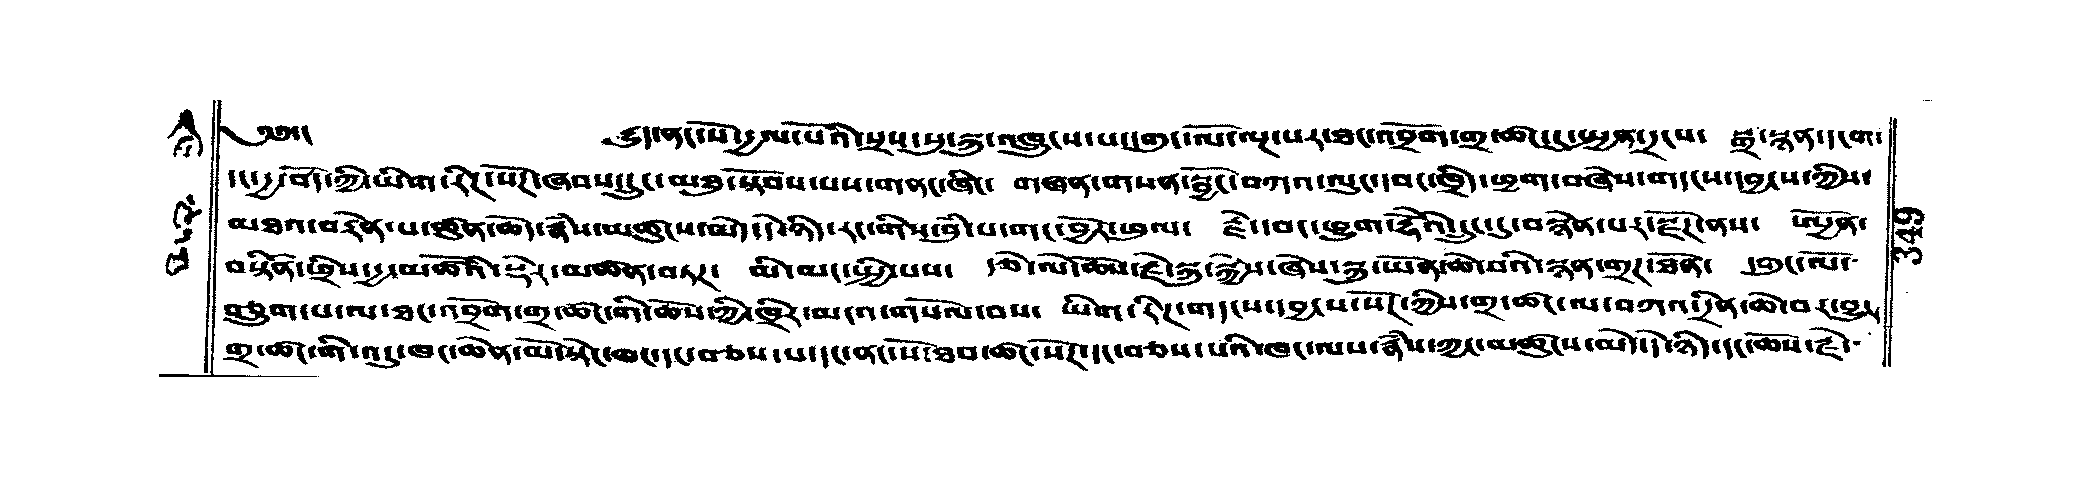རྒྱུད་ནང་སོ་རྒྱལ་པོའི་སྲས་སུ་སྐུ་འཁྲུངས་པ་དགུང་ལོ་ལྔ་པར་ཐང་འབྲོག་གྲྭ་ཚང་དུ་སྤྱན་དྲངས། སྒྲ་སྙན་ངག་
དང་རྒྱ་བོད་ཀྱི་ཡིག་རིགས་སོགས་ཞབས་དྲུང་མཐུ་སྟོབས་པས་གནང་ཞིང་། གཞན་གསན་སྦྱོང་བཀའ་ལུང་དབང་ཁྲིད་ཕྱག་བཞེས་གདངས་དབྱངས་ཀྱིས་
མཐའ་བརྟེན་པ་ཚུན་ཆོད་རྣམས་མཚུངས་མེད་དེ་ཉིད་རང་གིས་བུམ་པ་གང་བྱོར་ཕུལ། རྗེ་དབང་ཕྱུག་རྡོ་རྗེའི་དྲུང་དུ་བསྙེན་པར་རྫོགས་ནས། ཨོ་རྒྱན་
བསྟན་འཛིན་ཕྲིན་ལས་རྒྱ་མཚོའི་སྡེར་མཚན་བཏགས། མི་མང་སྤྱི་པས། རྩེ་ལེ་ཆོས་རྗེ་སྐུ་སྐྱེ་ཞེས་སྐུ་ཡོན་ཆེ་བའི་སྙན་གྲགས་ཐོན། དགུང་ལོ་
བཅུ་དྲུག་པ་ལ་ཐང་འབྲོག་གྲྭ་ཚང་གི་ཆོས་ཀྱི་ཁྲིར་མངའ་གསོལ་བས།ཡིག་རིགས་གདངས་དབྱངས་སོགས་ཀྱིས་གྲྭ་ཚང་ལ་བཀའ་དྲིན་ཆེ་བར་བྱུང་། 
གྲྭ་ཚང་གི་འདུ་ཁང་ཆེན་མོ་སྟེང་ཁང་དང་བཅས་པ་དང་ནང་། སོ་ཐབ་ཚང་སོགས་དང་བཅས་པའི་ཁང་ལས་རྣམས་ཀྱང་མཚུངས་མེད་དེ་ཉིད་དང་ཆོས་རྗེ་